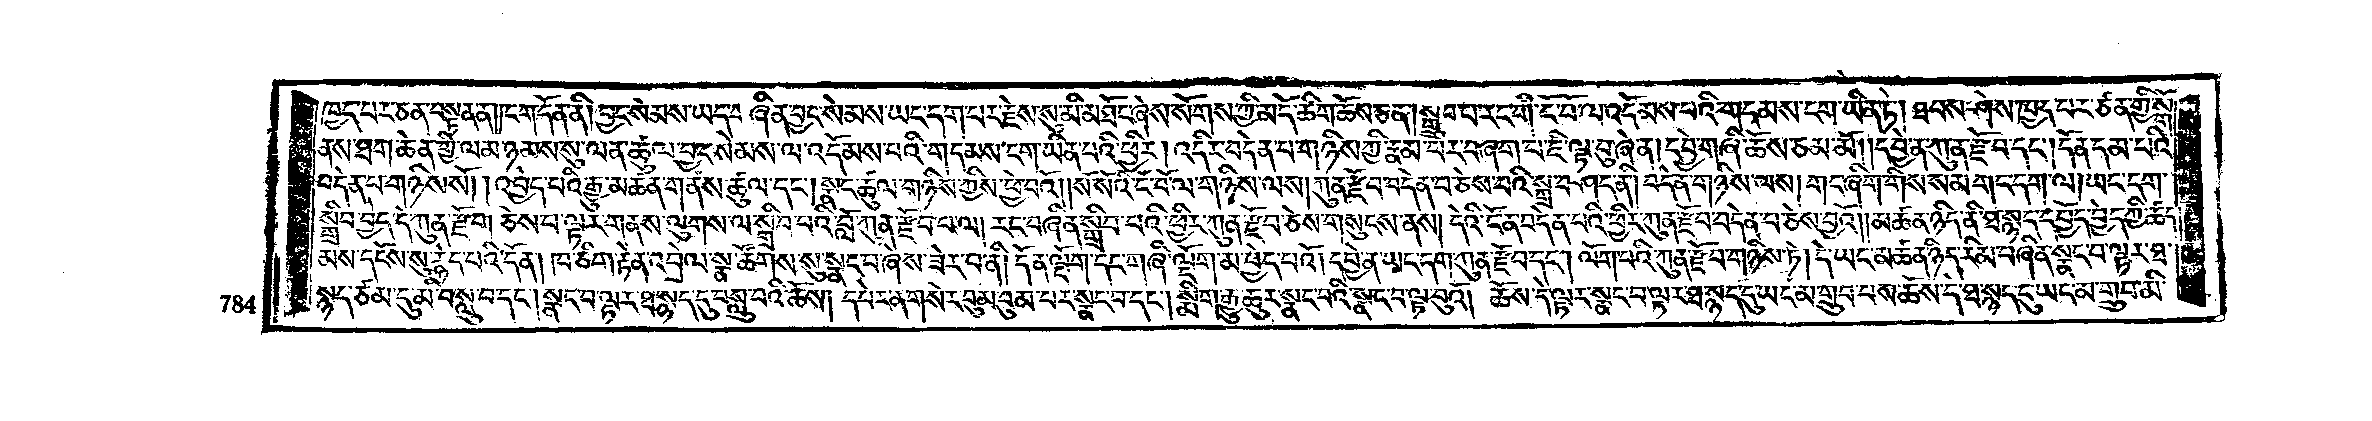ཁྱད་པར་ཅན་བསྟན་ན། །ངག་དོན་ནི། བྱང་སེམས་ཡིད་བཞིན་བྱང་སེམས་ཡང་དག་པར་རྗེས་སུ་མི་མཐོང་ཞེས་སོགས་ཀྱི་མདོ་ཚིག་ཆོས་ཅན། སྒྲུབ་པ་རང་གི་ངོ་བོ་ལ་འདོམས་པའི་གདམས་ངག་ཡིན་ཏེ། ཐབས་ཤེས་ཁྱད་པར་ཙན་གྱི་སྒོ་
ནས་ཐེག་ཆེན་གྱི་ལམ་ཉམས་སུ་ལན་ཚུལ་བྱང་སེམས་ལ་འདོམས་པའི་གདམས་ངག་ཡིན་པའི་ཕྱིར། འདིར་བདེན་པ་གཉིས་ཀྱི་རྣམ་པར་བཞག་པ་ཇི་ལྟ་བུ་ཞེ་ན། དབྱེ་གཞི་ཆོས་ཙམ་མོ། །དབྱེ་ན་ཀུན་རྫོབ་དང་། དོན་དམ་པའི་
བདེན་པ་གཉིས་སོ། །འབྱེད་པའི་རྒྱུ་མཚན་གནས་ཚུལ་དང་། སྣང་ཚུལ་གཉིས་ཀྱིས་ཕྱེ་བའོ། །སོ་སོའི་ངོ་བོ་ལ་གཉིས་ལས། ཀུན་རྫོབ་བདེན་པ་ཅེས་པའི་སྒྲ་བཤད་ནི། བདེན་གཉིས་ལས། གང་ཞིག་གིས་སམ་གང་དག་ལ། ཡང་དག་
སྒྲིབ་བྱེད་དེ་ཀུན་རྫོབ། ཅེས་པ་ལྟར་གནས་ལུགས་ལ་སྒྲིབ་པའི་བློ་ཀུན་རྫོབ་པ་ལ། རང་བཞིན་སྒྲིབ་པའི་ཕྱིར་ཀུན་རྫོབ་ཅེས་གསུངས་ནས། དེའི་དོན་བདེན་པའི་ཕྱིར་ཀུན་རྫོབ་བདེན་པ་ཅེས་བྱའོ། །མཚན་ཉིད་ནི་ཐ་སྙད་དཔྱོད་བྱེད་ཀྱི་ཚད་
མས་དངོས་སུ་རྙེད་པའི་དོན། ཁ་ཅིག་རྟེན་འབྲེལ་སྣ་ཚོགས་སུ་སྣང་བ་ཞེས་ཟེར་བ་ནི། དོན་ལྡོག་དང་གཞི་ལྡོག་མ་ཕྱེད་པའོ། དབྱེ་ན་ཡང་དག་ཀུན་རྫོབ་དང་། ལོག་པའི་ཀུན་རྫོབ་གཉིས་ཏེ། དེ་ཡང་མཚན་ཉིད་རིམ་བཞིན་སྣང་བ་ལྟར་ཐ་
སྙད་ཙམ་དུ་མི་བསླུ་བ་དང་། སྣང་བ་ལྟར་ཐ་སྙད་དུ་བསླུ་བའི་ཆོས། དཔེར་ན་གསེར་བུམ་བུམ་པར་སྣང་བ་ལྟར་ཐ་སྙད་དུ་བསླུ་བའི་ཆོས། དཔེར་ན་གསེར་བུམ་བུམ་པར་སྣང་བ་དང་། སྨིག་རྒྱུ་ཆུར་སྣང་བའི་སྣང་བ་ལྟ་བུའོ། །ཆོས་དེ་ལྟར་སྣང་བ་ལྟར་ཐ་སྙད་དུ་ཡང་མ་གྲུབ་པས་ཆོས་དེ་ཐ་སྙད་དུ་ཡང་མ་གྲུབ་མི་